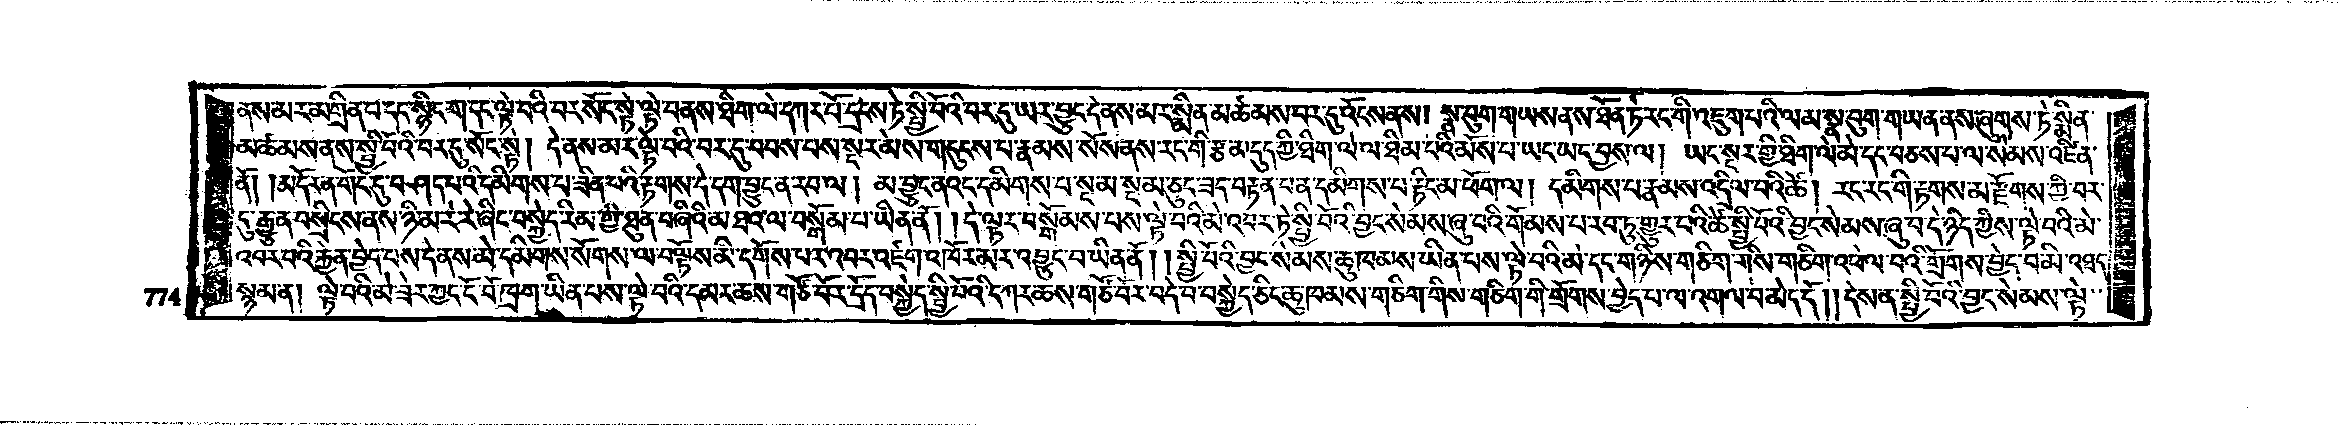ནས་མར་མགྲིན་པ་དང་སྙིང་གི་དང་ལྟེ་བའི་བར་སོང་སྟེ་ལྟེ་བ་ནས་ཐིག་ལེ་དཀར་པོ་དྲངས་ཏེ་སྤྱི་བོའི་བར་དུ་ཡར་བྱུང་དེ་ནས་མར་སྨིན་མཚམས་བར་དུ་འོངས་ནས། སྣ་བུག་གཡས་ནས་ཐོན་ཏེ་རང་གི་འཇུག་པའི་ལམ་སྣ་བུག་གཡན་ནས་ཞུགས་ཏེ་སྨིན་
མཚམས་ནས་སྤྱི་བོའི་བར་དུ་སོང་སྟེ། དེ་ནས་མར་ལྟེ་བའི་བར་དུ་བབས་པས་སྔར་མེས་གདུངས་པ་རྣམས་སོས་ནས་རང་གི་རྩ་མདུད་ཀྱི་ཐིག་ལེ་ལ་ཐིམ་པའི་མོས་པ་ཡང་ཡང་བྱས་ལ། ཡང་སྔར་གྱི་ཐིག་ལེ་མེ་དང་བཅས་པ་ལ་སེམས་འཛིན་
ནོ། །མདོར་ན་གོང་དུ་བཤད་པའི་དམིགས་པ་ཟིན་པའི་རྟགས་དེ་དག་བྱུང་ན་རབ་ལ། མ་བྱུང་ནའང་དམིགས་པ་སྔ་མ་སྔ་མ་ཅུང་ཟད་བརྟན་པ་ན་དམིགས་པ་རྟིང་མ་ཕོག་ལ། དམིགས་པ་རྣམས་འདྲིལ་བའི་ཚེ། རང་རང་གི་རྟགས་མ་རྫོགས་ཀྱི་བར་
དུ་རྒྱུན་བསྲིངས་ནས་ཉི་མ་རེ་རེ་ཞིང་བསྐྱེད་རིམ་གྱི་ཐུན་བཞིའི་མཐའ་ལ་བསྒོམ་པ་ཡིན་ནོ། །དེ་ལྟར་བསྒོམས་པས་ལྟེ་བའི་མེ་འབར་ཏེ་སྤྱི་བོའི་བྱང་སེམས་ཞུ་བའི་གོམས་པ་རབ་ཏུ་གྱུར་པའི་ཚེ་སྤྱི་བོའི་བྱང་སེམས་ཞུ་བ་དེ་ཉིད་ཀྱིས་ལྟེ་བའི་མེ་
འབར་བའི་རྐྱེན་བྱེད་པས་དེ་ནས་མེ་དམིགས་སོགས་ལ་བལྟོས་མི་དགོས་པར་འབར་འཛག་འཁོར་མར་འབྱུང་བ་ཡིན་ནོ། །སྤྱི་བོའི་བྱང་སེམས་ཆུ་ཁམས་ཡིན་པས་ལྟེ་བའི་མེ་དང་གཉིས་གཅིག་གིས་གཅིག་འཕེལ་བའི་གྲོགས་བྱེད་པ་མི་འཐད་
སྙམ་ན། ལྟེ་བའི་མེ་ཟེར་ཀྱང་ངོ་བོ་ཁྲག་ཡིན་པས་ལྟེ་བའི་དམར་ཆས་གཙོ་བོར་དྲོད་བསྐྱེད་སྤྱི་བོའི་དཀར་ཆས་གཙོ་བོར་བདེ་བ་བསྐྱེད་ཅིང་ཆུ་ཁམས་གཅིག་གི་གཅིག་གི་གྲོགས་བྱེད་པ་ལ་འགལ་བ་མེད་དོ། །དེས་ན་སྤྱི་བོའི་བྱང་སེམས་ལྟེ་